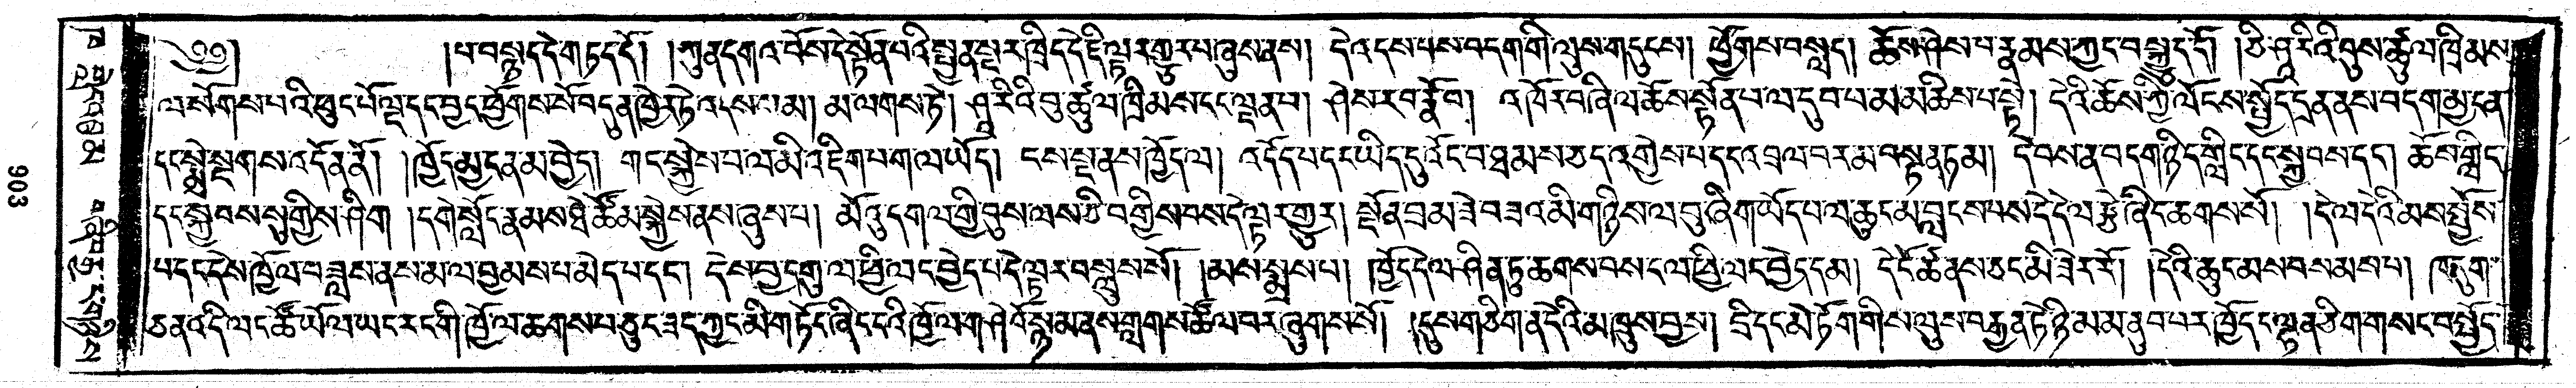༄༅། །པ་བསྙད་དེ་གཏད་དོ། །ཀུན་དགའ་བོས་དེ་སྟོན་པའི་སྤྱན་སྔར་ཁྲིད་དེ་ཇི་ལྟར་གྱུར་པ་ཞུས་ནས། དེ་འདས་པས་བདག་གི་ལུས་གདུངས། ཕྱོགས་བསླད། ཆོས་ཤེས་པ་རྣམས་ཀྱང་བསྐྱུད་དོ། །ཅི་ཤཱ་རིའི་བུས་ཚུལ་ཁྲིམས་
ལ་སོགས་པའི་ཕུང་པོ་ལྔ་དང་བྱང་ཕྱོགས་སོ་བདུན་ཁྱེར་ཏེ་འདས་སམ། མ་ལགས་ཏེ། ཤཱ་རིའི་བུ་ཚུལ་ཁྲིམས་དང་ལྡན་པ། ཤེས་རབ་རྣོ་བ། འཁོར་བཞི་ལ་ཆོས་སྟོན་པ་ལ་དུབ་པ་མ་མཆིས་པ་སྟེ། དེའི་ཆོས་ཀྱི་ལོངས་སྤྱོད་དྲན་ནས་བདག་མྱ་ངན་
དང་སྨྲེ་སྔགས་འདོན་ནོ། །ཁྱོད་མྱ་ངན་མ་བྱེད། གང་སྐྱེས་པ་ལ་མི་འཇིག་པ་ག་ལ་ཡོད། ངས་སྔ་ནས་ཁྱོད་ལ། འདོད་པ་དང་ཡིད་དུ་འོང་བ་ཐམས་ཅད་འགྱེས་པ་དང་འབྲལ་བར་མ་བསྟན་ཏམ། དེ་བས་ན་བདག་ཉིད་གླིང་དང་སྐྱབས་དང་། ཆོས་གླིང་
དང་སྐྱབས་སུ་གྱིས་ཤིག །དགེ་སློང་རྣམས་ཐེ་ཚོམ་སྐྱེས་ནས་ཞུས་པ། མོའུ་དགལ་གྱི་བུས་ལས་ཅི་བགྱིས་བས་དེ་ལྟར་གྱུར། སྔོན་བྲམ་ཟེ་བཟའ་མི་གཉིས་ལ་བུ་ཞིག་ཡོད་པ་ལ་ཆུང་མ་བླངས་པས་དེ་དེ་ལ་རྩེ་ཞིང་ཆགས་སོ། །དེ་ལ་དེའི་མས་སྤྱོས་
པ་དང་དེས་ཁྱོ་ལ་བཟླས་ནས་མ་ལ་བྱམས་པ་མེད་པ་དང་། དེས་བྱ་དགུ་ལ་ཕྱི་ལང་བྱེད་པ་དེ་ལྟར་བསླུས་སོ། །མས་སྨྲས་པ། ཁྱོད་དེ་ལ་ཤིན་ཏུ་ཆགས་བས་ངལ་ཕྱི་ལང་བྱེད་དམ། དེ་ངོ་ཚ་ནས་ཅང་མི་ཟེར་རོ། །དེའི་ཆུང་མས་བསམས་པ། ཁ་དུག་
ཅན་འདི་ལང་ཚོ་ཡོལ་ཡང་རང་གི་ཁྱོ་ལ་ཆགས་པ་ཅུང་ཟད་ཀྱང་མི་གཏོང་ཞིང་ངའི་ཁྱོ་ལ་གཤེ་བོ་སྙམ་ནས་གླགས་ཚོལ་བར་ཞུགས་སོ། །དུས་གཅིག་ན་དེའི་མ་ཁྲུས་བྱས། དྲི་དང་མེ་ཏོག་གིས་ལུས་བརྒྱན་ཏེ་ཉི་མ་མ་ནུབ་པར་ཁྱོ་དང་ལྷན་ཅིག་གསང་བ་སྤྱོད་